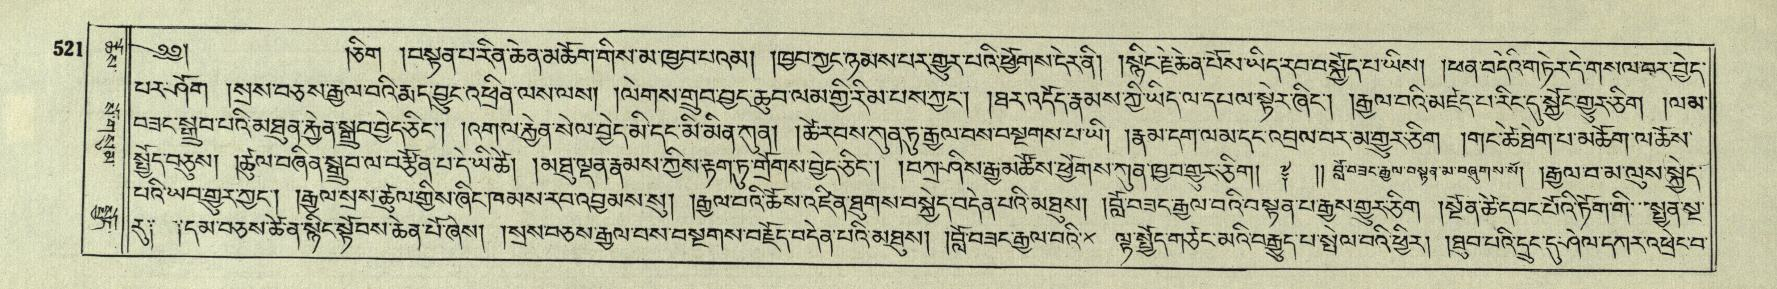༄༅། །ཅིག །བསྟན་པ་རིན་ཆེན་མཆོག་གིས་མ་ཁྱབ་པའམ། །ཁྱབ་ཀྱང་ཉམས་པར་གྱུར་པའི་ཕྱོགས་དེར་ནི། །སྙིང་རྗེ་ཆེན་པོས་ཡིད་རབ་བསྐྱོད་པ་ཡིས། །ཕན་བདེའི་གཏེར་དེ་གསལ་བར་བྱེད་
པར་ཤོག །སྲས་བཅས་རྒྱལ་བའི་རྨད་བྱུང་འཕྲིན་ལས་ལས། །ལེགས་གྲུབ་བྱང་ཆུབ་ལམ་གྱི་རིམ་པས་ཀྱང་། །ཐར་འདོད་རྣམས་ཀྱི་ཡིད་ལ་དཔལ་སྟེར་ཞིང་། །རྒྱལ་བའི་མཛད་པ་རིང་དུ་སྐྱོང་གྱུར་ཅིག །ལམ་
བཟང་སྒྲུབ་པའི་མཐུན་རྐྱེན་སྒྲུབ་བྱེད་ཅིང་། །འགལ་རྐྱེན་སེལ་བྱེད་མི་དང་མི་མིན་ཀུན། །ཚེ་རབས་ཀུན་ཏུ་རྒྱལ་བས་བསྔགས་པ་ཡི། །རྣམ་དག་ལམ་དང་འབྲལ་བར་མ་གྱུར་ཅིག །གང་ཚེ་ཐེག་པ་མཆོག་ལ་ཆོས་
སྤྱོད་བཅུས། །ཚུལ་བཞིན་སྒྲུབ་ལ་བརྩོན་པ་དེ་ཡི་ཚེ། །མཐུ་ལྡན་རྣམས་ཀྱིས་རྟག་ཏུ་གྲོགས་བྱེད་ཅིང་། །བཀྲ་ཤིས་རྒྱ་མཚོས་ཕྱོགས་ཀུན་ཁྱབ་གྱུར་ཅིག། འ་།། བློ་བཟང་རྒྱལ་བསྟན་མ་བཞུགས་སོ།  །རྒྱལ་བ་མ་ལུས་སྐྱེད་
པའི་ཡབ་གྱུར་ཀྱང་། །རྒྱལ་སྲས་ཚུལ་གྱིས་ཞིང་ཁམས་རབ་འབྱམས་སུ། །རྒྱལ་བའི་ཆོས་འཛིན་ཐུགས་བསྐྱེད་བདེན་པའི་མཐུས། །བློ་བཟང་རྒྱལ་བའི་བསྟན་པ་རྒྱས་གྱུར་ཅིག །སྔོན་ཚེ་དབང་པོའི་ཏོག་གི་སྤྱན་སྔ་
རུ༑ ༑དམ་བཅས་ཚེ་ན་སྙིང་སྟོབས་ཆེན་པོ་ཞེས། །སྲས་བཅས་རྒྱལ་བས་བསྔགས་བརྗོད་བདེན་པའི་མཐུས། །བློ་བཟང་རྒྱལ་བའི་྾་ལྟ་སྤྱོད་གཙང་མའི་བརྒྱུད་པ་སྤེལ་བའི་ཕྱིར། །ཐུབ་པའི་དྲུང་དུ་ཤེལ་དཀར་འཕྲེང་བ་